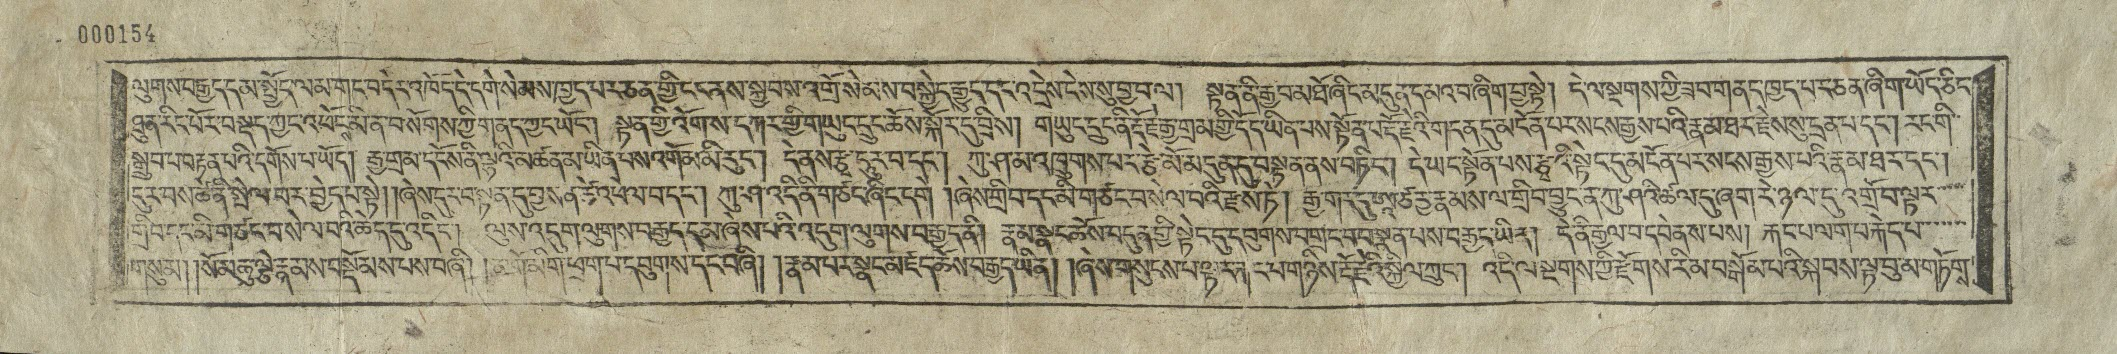ལུགས་བརྒྱད་དམ་སྤྱོད་ལམ་གང་བདེར་འཁོད་དེ་དགེ་སེམས་ཁྱད་པར་ཅན་གྱི་ངང་ནས་སྐྱབས་འགྲོ་སེམས་བསྐྱེད་རྒྱུད་དང་འདྲེས་ངེས་སུ་བྱ་བ་ལ། སྟན་ནི་རྒྱབ་མཐོ་ཞིང་མདུན་དམའ་བ་ཞིག་བྱ་སྟེ། དེ་ལ་སྔགས་ཀྱི་ཟབ་གནད་ཁྱད་པར་ཅན་ཞིག་ཡོད་ཅིང་
ཐུན་རིང་པོར་བསྡད་ཀྱང་འཕོངས་མིན་པ་སོགས་ཀྱི་གནད་ཀྱང་ཡོང་། སྟན་གྱི་འོག་ས་དཀར་གྱི་གཡུང་དྲུང་ཆོས་སྐོར་དུ་བྲིས། གཡུང་དྲུང་ནི་རྡོ་རྗེ་རྒྱ་གྲམ་གྱི་དོད་ཡིན་པས་སྟོན་པ་རྡོ་རྗེའི་གདན་དུ་མངོན་པར་སངས་རྒྱས་པའི་རྣམ་ཐར་རྗེས་སུ་དྲན་པ་དང་། རང་གི་
སྒྲུབ་པ་བརྟན་པའི་དགོས་པ་ཡོད། རྒྱ་གྲམ་དངོས་ནི་ལྷའི་མཚན་མ་ཡིན་པས་འགོམ་མི་རུང་། དེ་ནས་རྩྭ་དཱུར་བ་དང་། ཀུ་ཤ་མ་འཁྲུགས་པར་རྩེ་མོ་མདུན་དུ་བསྟན་ནས་བཏིང་།དེ་ཡང་སྟོན་པས་རྩྭའི་སྟེང་དུ་མངོན་པར་སངས་རྒྱས་པའི་རྣམ་ཐར་དང་།
དུར་བས་ཚེ་ནི་སྤེལ་བར་བྱེད་པ་སྟེ། །ཞེས་དུར་བསྟན་དུ་བྱས་ན་ཚེ་འཕེལ་བ་དང་། ཀུ་ཤ་འདི་ནི་གཙང་ཞིང་དགེ །ཞེས་གྲིབ་དང་མི་གཙང་བ་སེལ་བའི་རྫས་ཏེ། རྒྱ་གར་དུ་ཨཱ་ཙརྱ་རྣམས་ལ་གྲིབ་བྱུང་ན་ཀུ་ཤའི་ཚལ་དུ་ཞག་རེ་ཉལ་དུ་འགྲོ་བ་ལྟར་
གྲིབ་དང་མི་གཙང་བ་སེལ་བའི་ཆེད་དུ་འདིང་། ལུས་འདུག་ལུགས་བརྒྱད་དམ་ཞེས་པའི་འདུག་ལུགས་བརྒྱད་ནི། རྣམ་སྣང་ཆོས་བདུན་གྱི་སྟེང་དུ་དབུགས་བགྲང་བ་བསྣན་པས་བརྒྱད་ཡིན། དེ་ནི་རྒྱལ་བ་དབེན་ས་པས། རྐང་པ་ལག་པ་རྐེད་པ་
གསུམ། །སོ་མཆུ་ལྕེ་རྣམས་བསྡོམས་པས་བཞི། །མགོ་མིག་ཕྲག་པ་དབུགས་དང་བཞི། །རྣམ་པར་སྣང་མཛད་ཆོས་བརྒྱད་ཡིན། །ཞེས་གསུངས་པ་ལྟར་རྐང་པ་གཉིས་རྡོ་རྗེའི་སྐྱིལ་ཀྲུང་། འདི་ལ་སྔགས་ཀྱི་རྫོགས་རིམ་བསྒོམ་པའི་སྐབས་ལྟ་བུ་མ་གཏོགས་